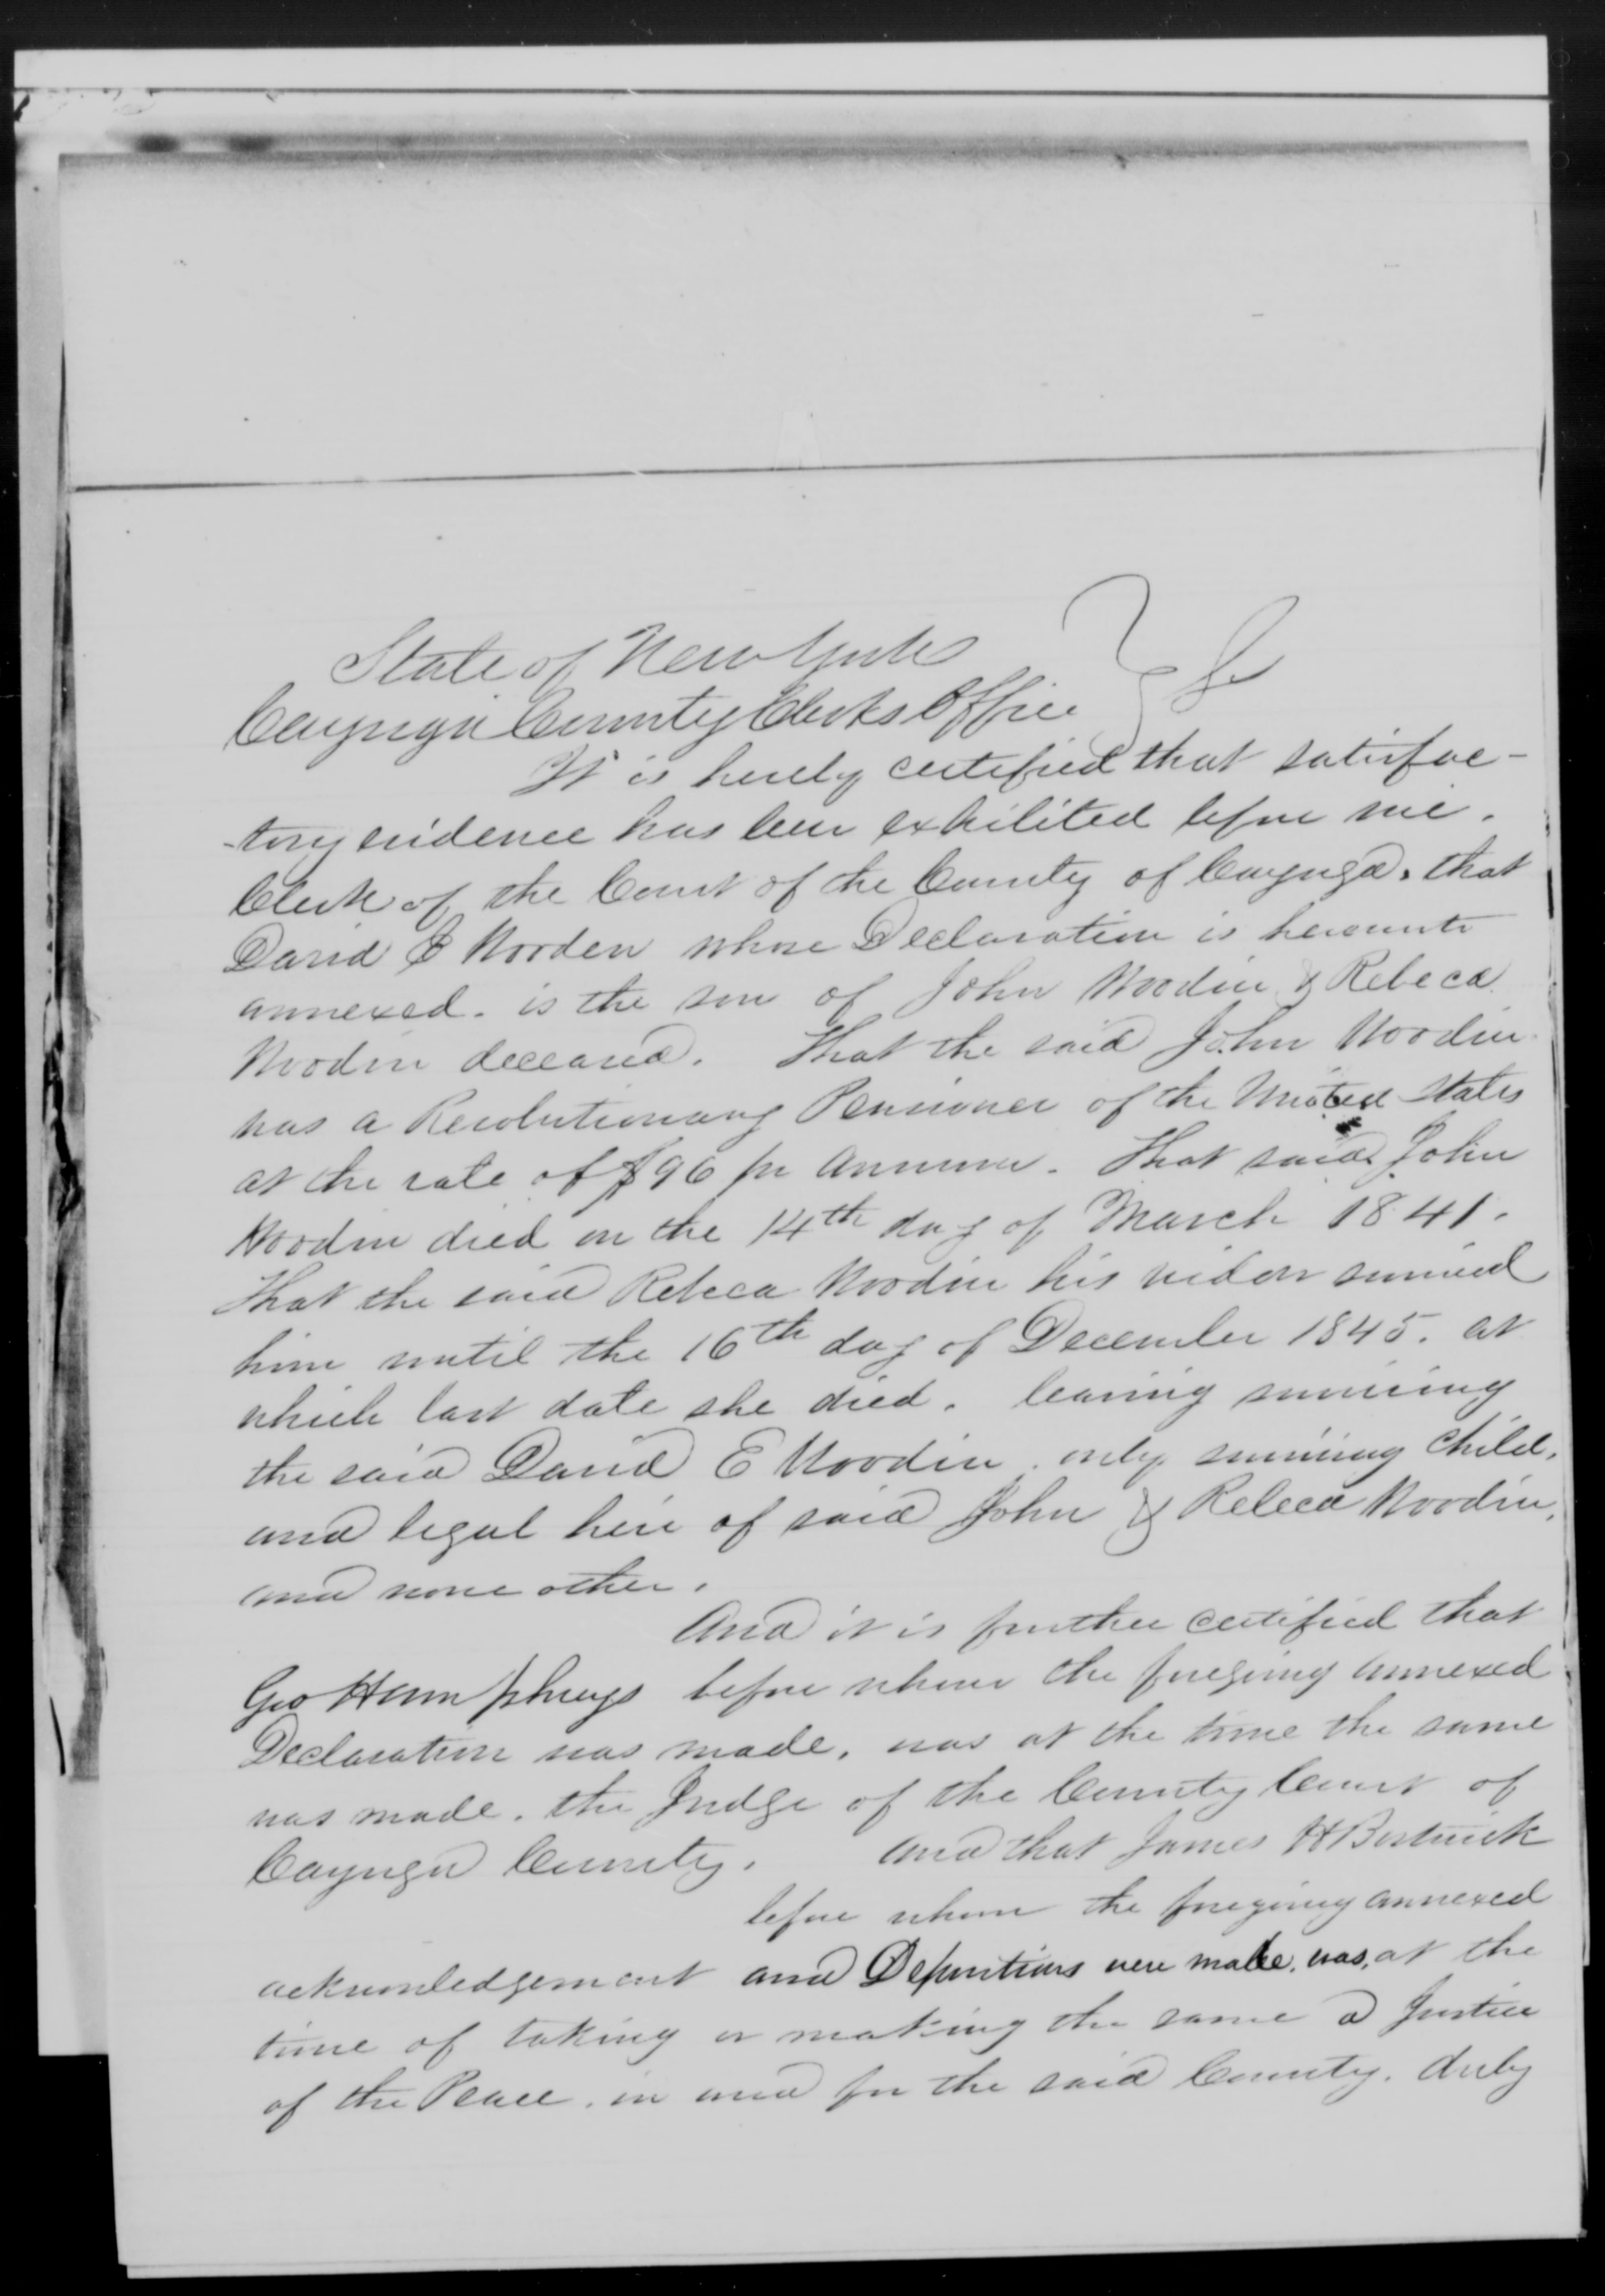State of New York 
Cayuga County Clerks Office Ss  It is hereby certified that satisfactory evidence has been exhibited before me Clerk of the Court of the County of Cayuga, that David E. Wooden whose Declaration is hereunto annexed, is the son of John Woodin & Rebeca Woodin deceased. That the said John Woodin was a Revolutionary Pensioner of the United States at the rate of $96 per annum. That said John Woodin died on the 14th day of March 1841. That the said Rebeca Woodin his widow survived him until the 16th day of December 1845 at which last date she died, leaving surviving the said David E Woodin only surviving child, and legal heir of said John & Rebeca Woodin and none other. 
And it is further certified that Geo Humphreys before whom the foregoing annexed Declaration was made, was at the time the same was made, the Judge of the County Court of Cayuga County, and that James H Bostwick before whom the foregoing annexed acknowledgement and Depositions were made, was, at the time of taking or making the same a Justice of the Peace, in and for the said County, duly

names: David E Wooden, Geo Humphreys, John Woodin, James H Bostwick, Rebeca Woodin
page: 20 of 77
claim: widow's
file: W. 19658, John Woodin, New York